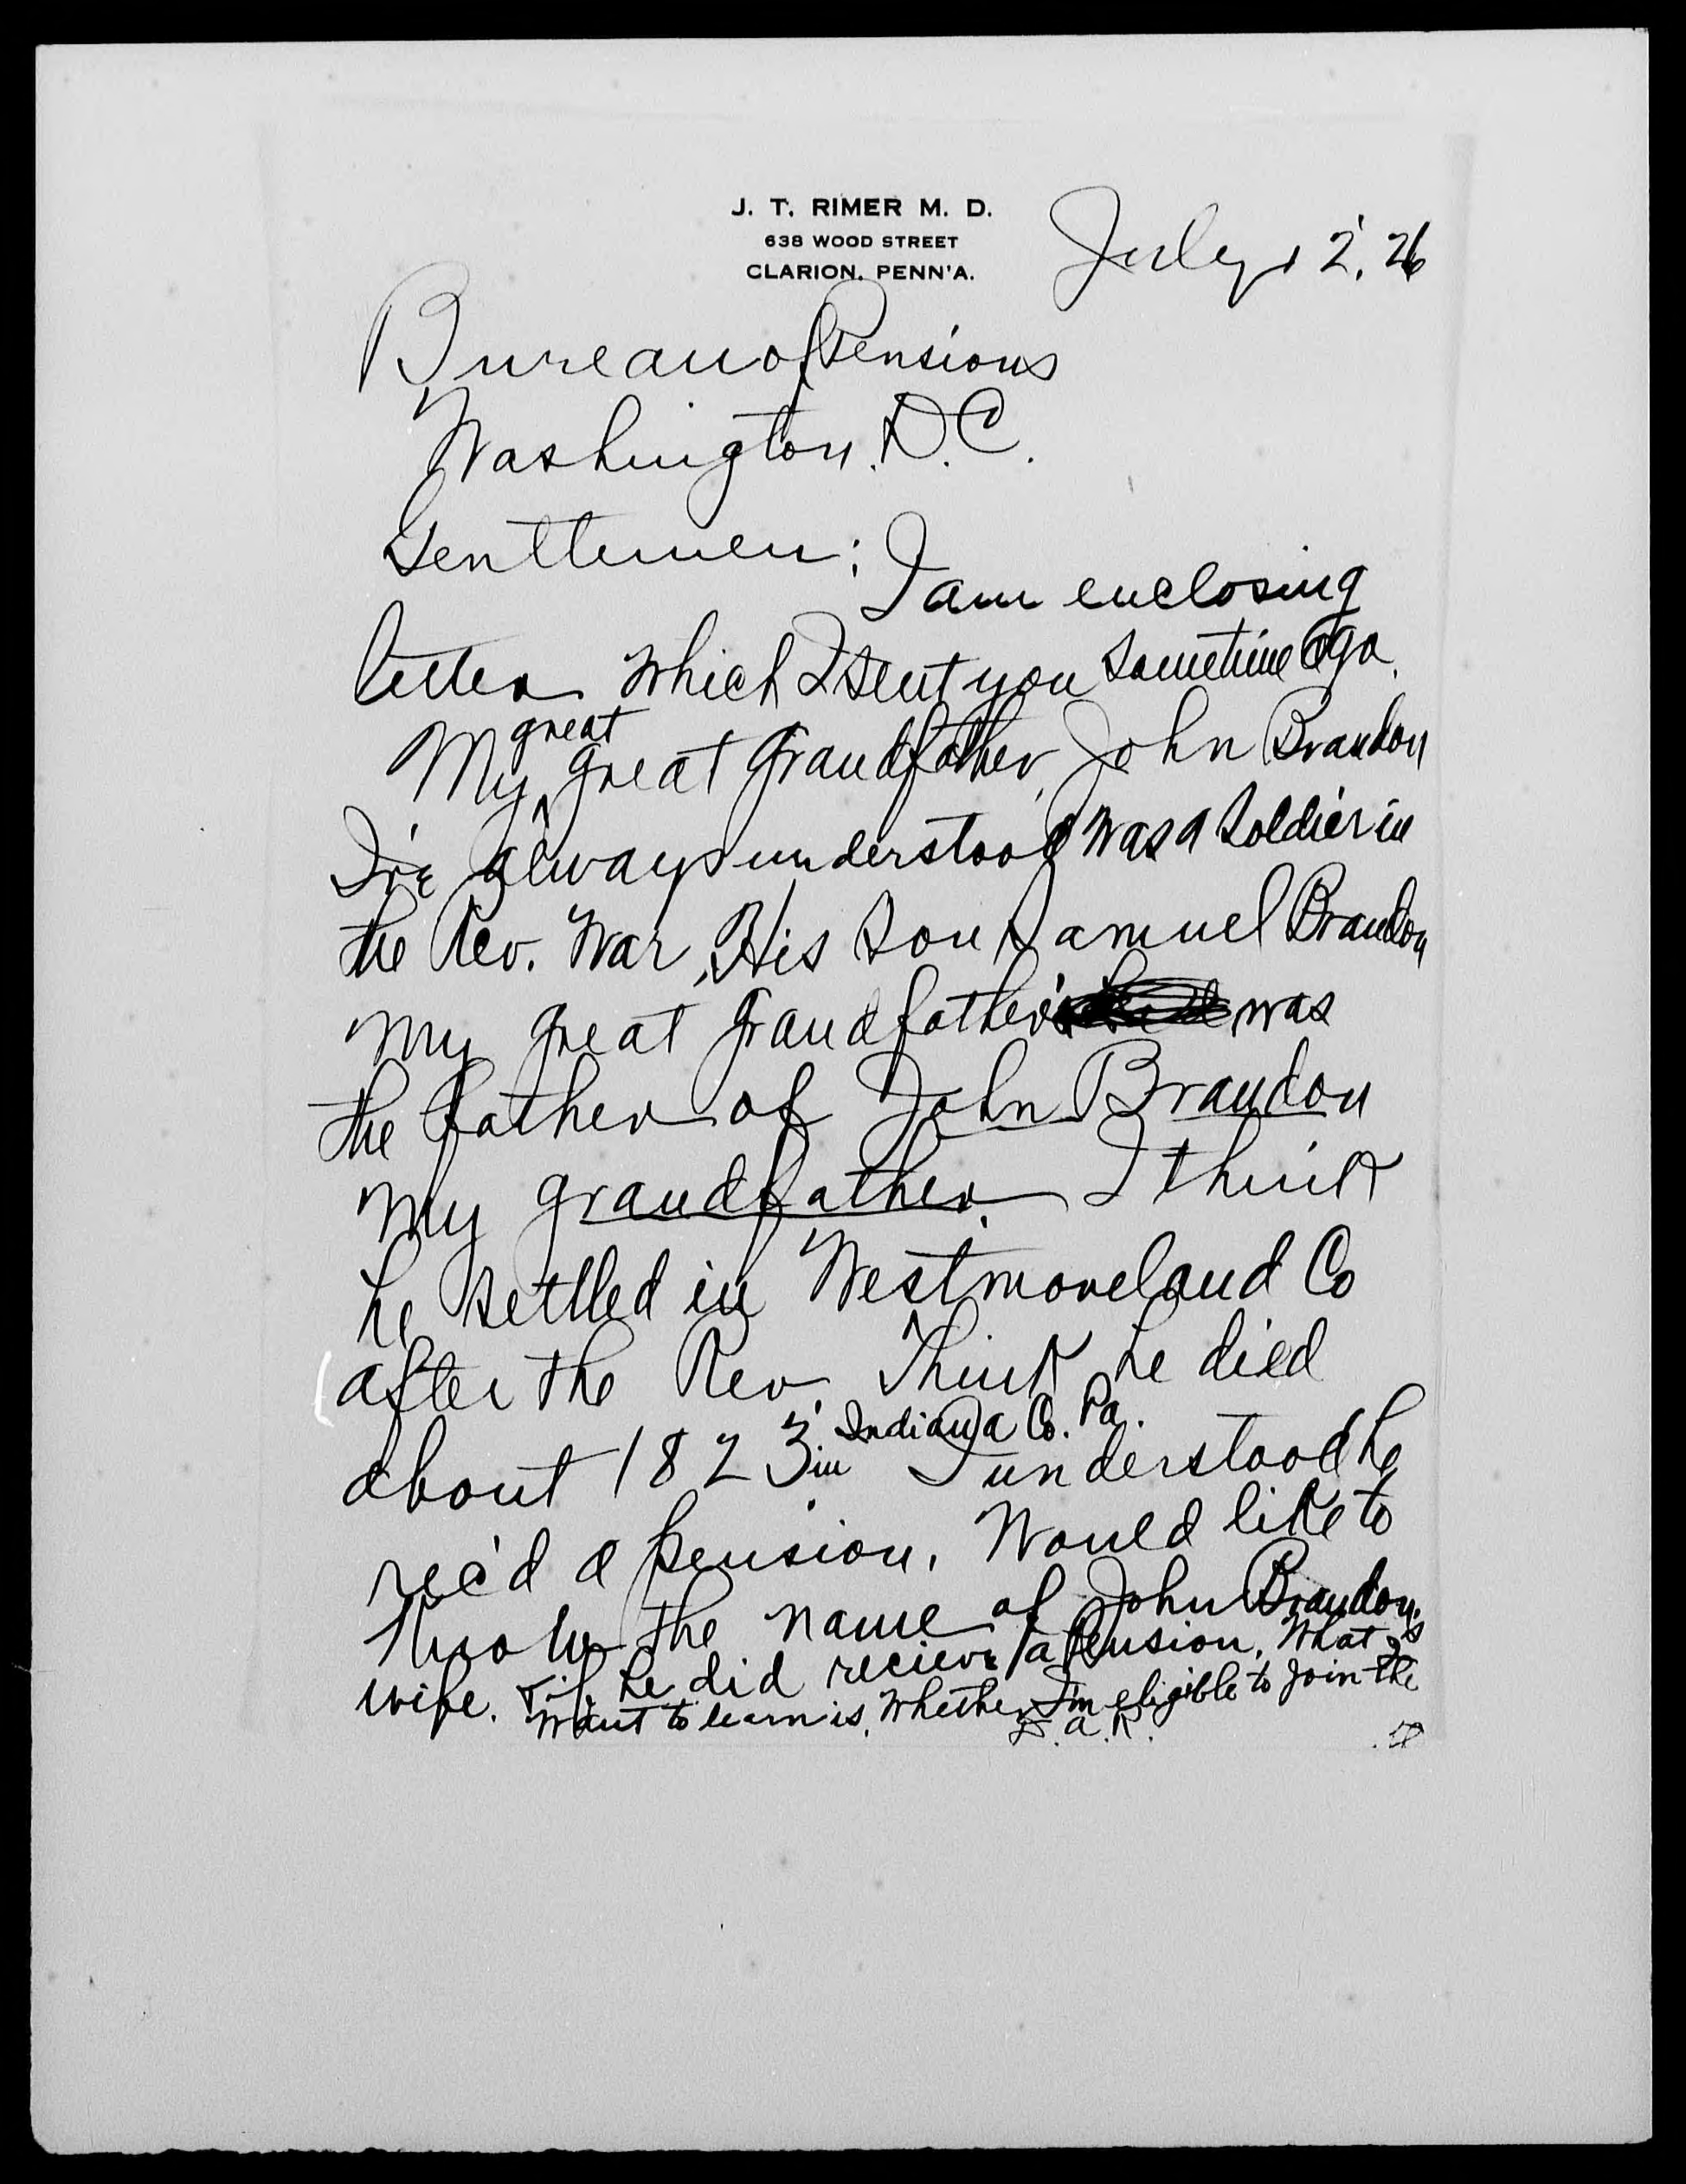[pg 1 of 2]

J. T. RIMER MD. D.
638 WOOD STREET
CLARION, PENN'A.

July 12, 26
Bureau of Pensions
Washington, D.C.
Gentlemen: I am enclosing letter which I sent you sometime ago. My great great grandfather John Brandon I've always understood was a soldier in the Rev. War. His son Samuel Brandon my great greadfather was the father of John Brandon my grandfather. I think he settled in Westmoreland Co after the Rev. Think he died about 1823 in Indiana Co. Pa. I understood he rec'd a pension. Would like to know the name of John Brandon's wife, if he did receive a pension. What I want to learn is whether I'm eligible to join the D.A.R.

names: John Brandon, J T Rimer, John Brandon, John Brandon, Samuel Brandon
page: 74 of 83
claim: widow's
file: W. 5946, John Brandon, Penn